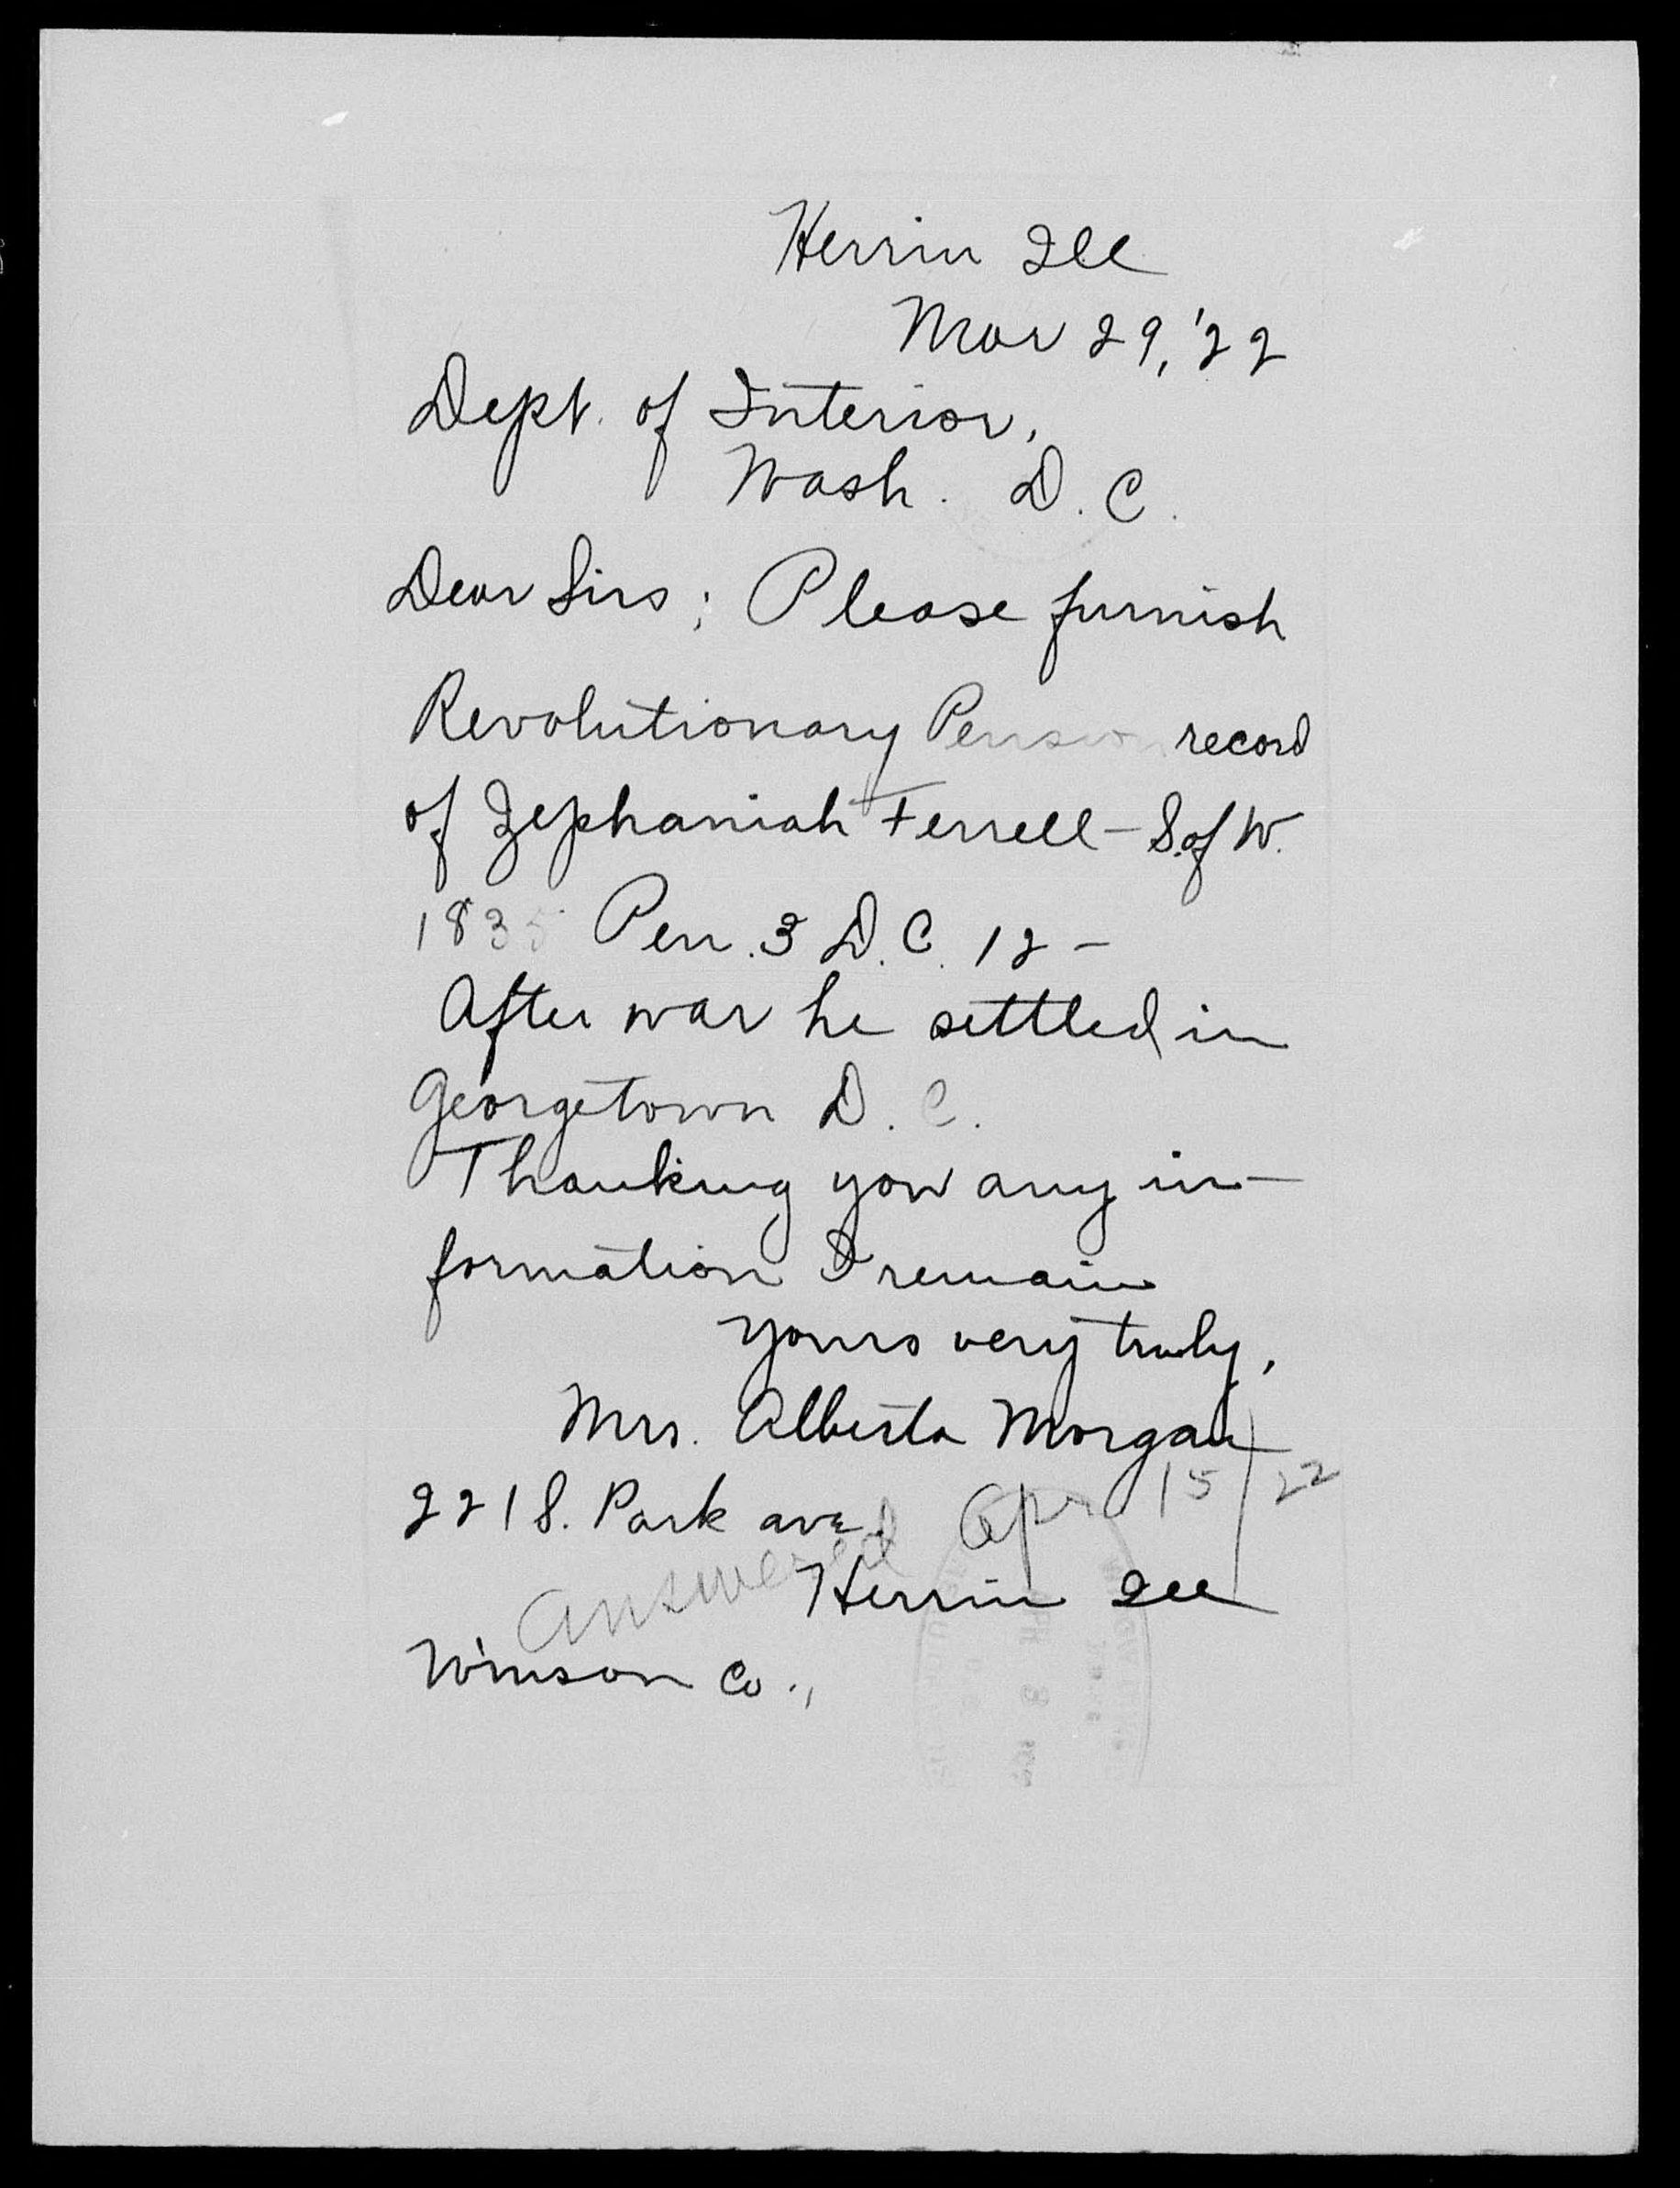Herrin Ill.
Mar. 29, [19]22

Dept. of Interior, 
Wash. D.C.

Dear Sirs: Please furnish Revolutionary Pension record of Zephaniah Ferrell--S. of W. 1835 Pen. 3 D.C. 12--After war he settled in Georgetown D.C.

Thanking you any information I remain yours very truly,
Mrs. Alberta Morgan
221 S Park Ave.
Herrin Ill.
Winson Co.

Arrived Apr. 15/22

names: Zephaniah Ferrell, Alberta Morgan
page: 9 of 12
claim: survivor's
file: S. 35928, Zephaniah Ferrill, Cont. (Va)